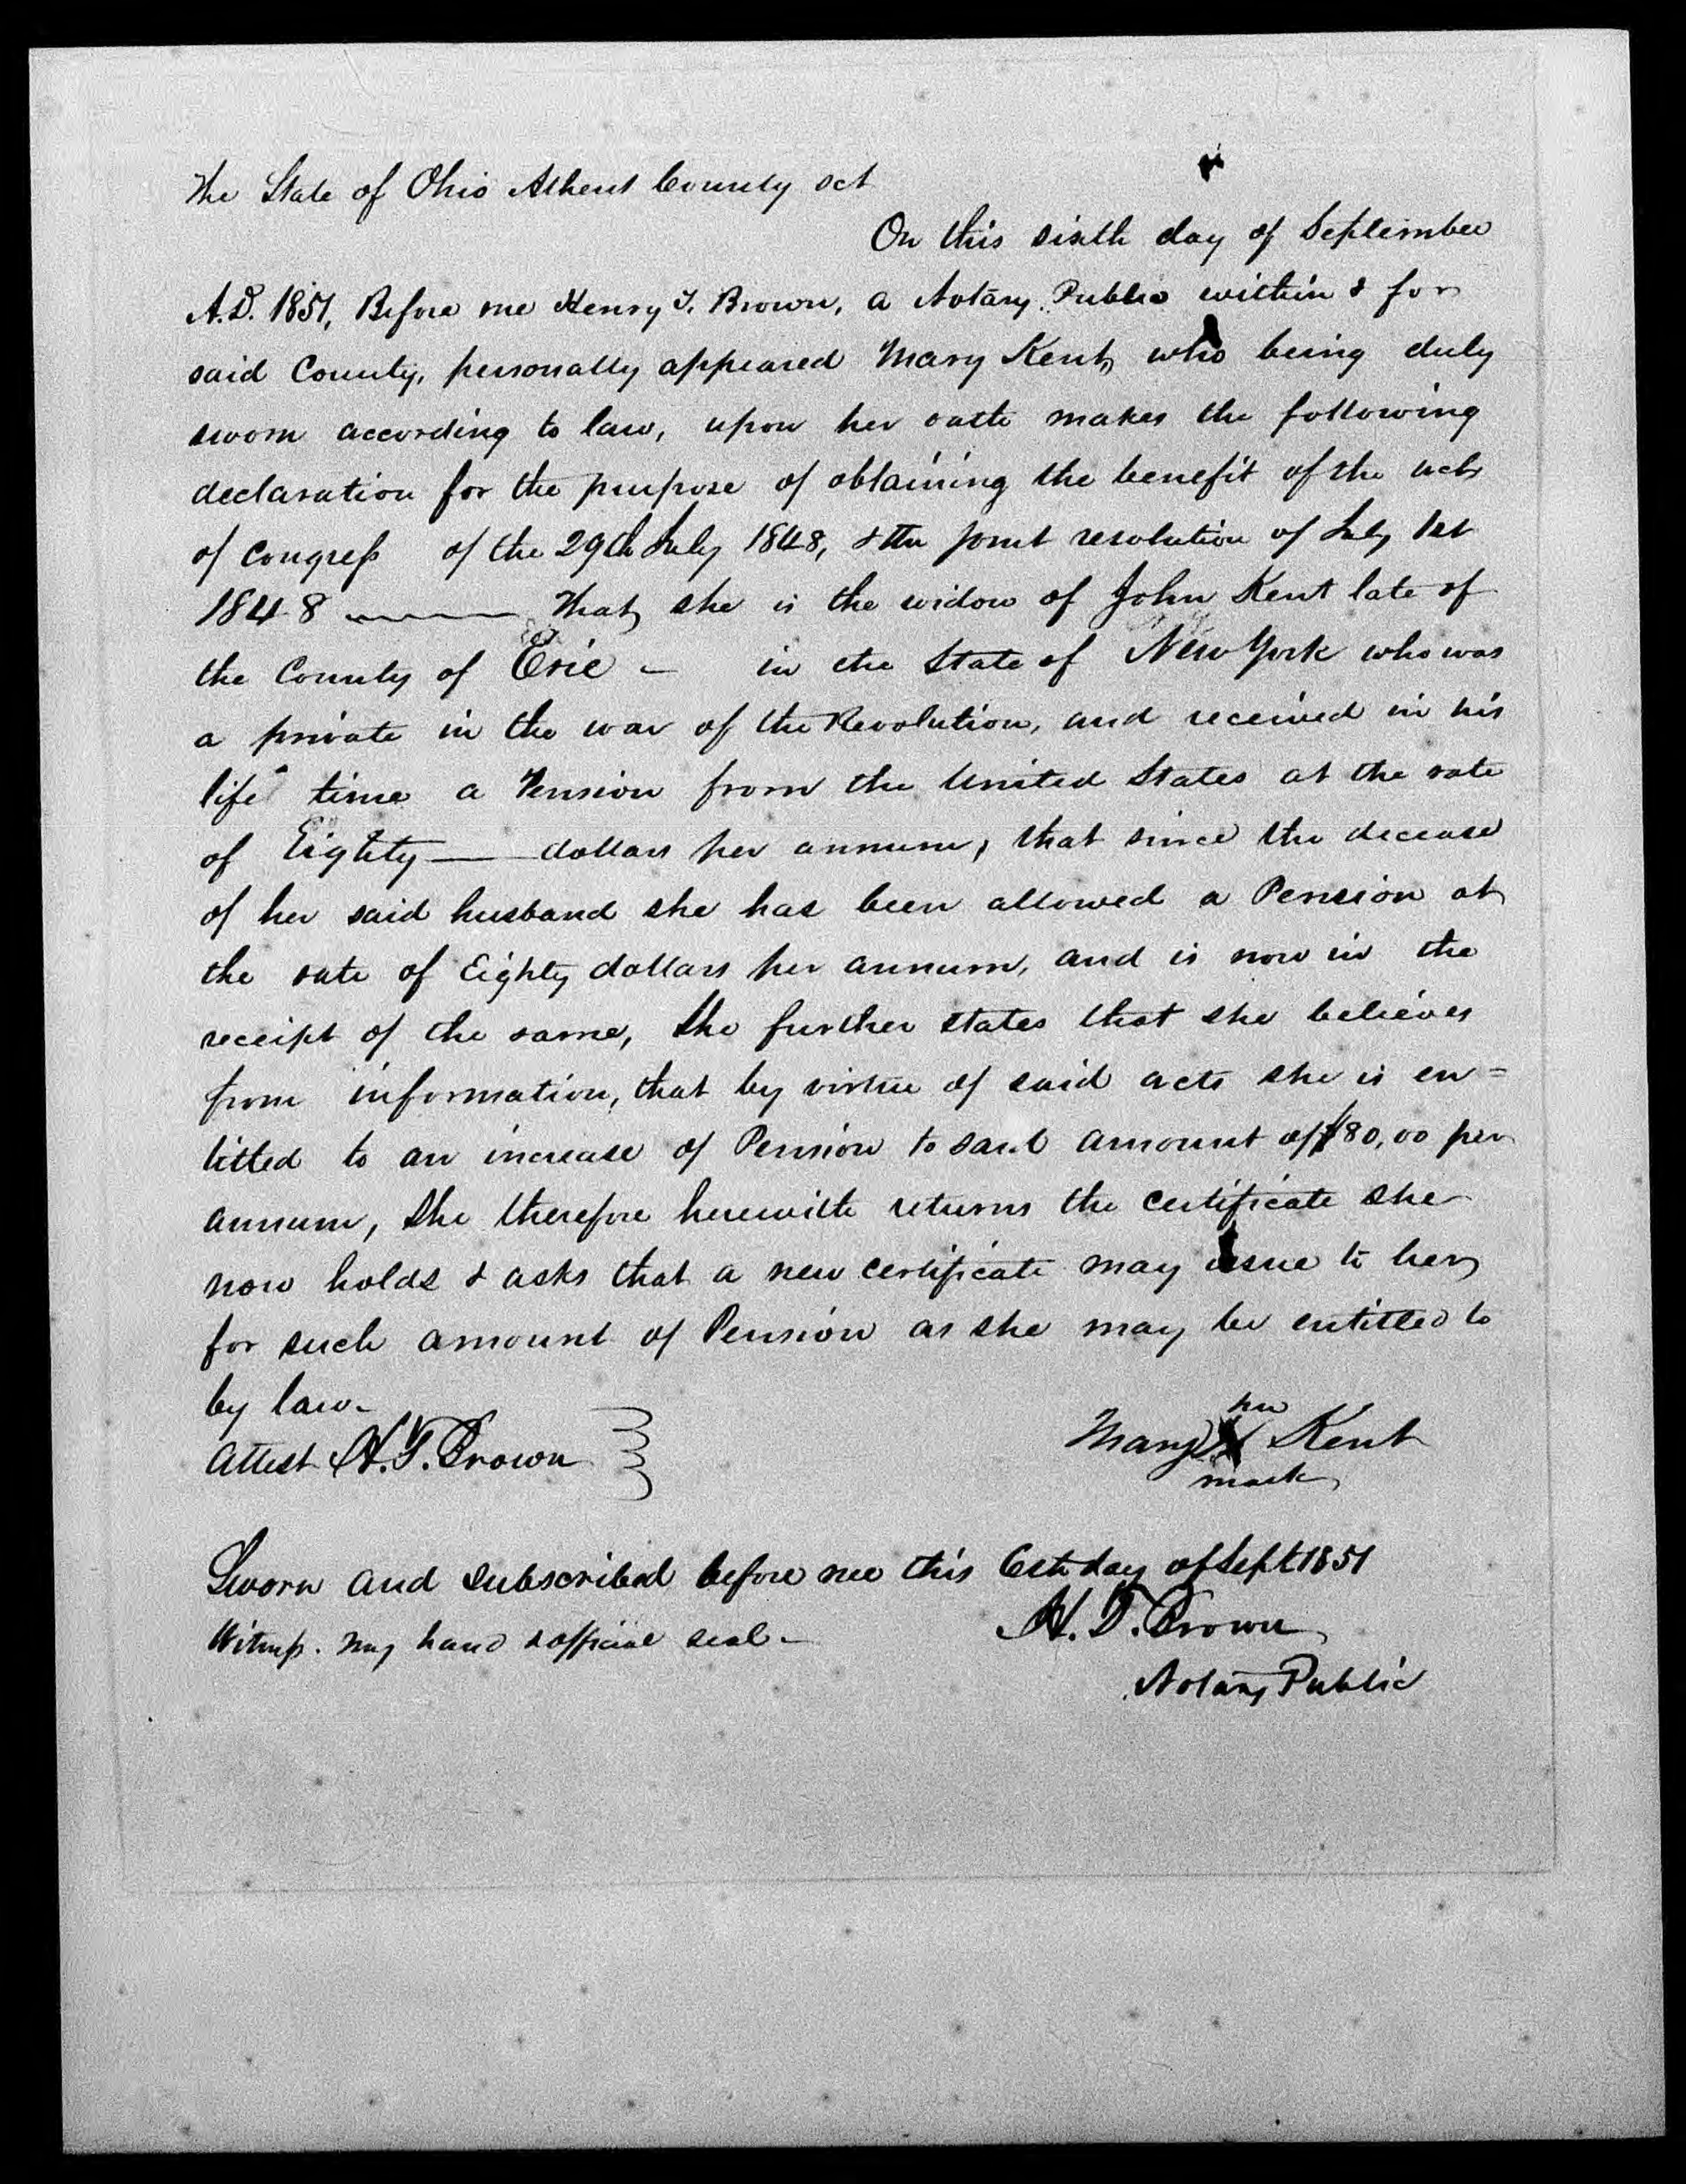The State of Ohio Athens County set 
On this sixth day of September A.D. 1851. Before me Henry T. Brown, a Notary Public within & for said County, personally appeared Mary Kent who being duly sworn according to law, upon her oath make the following declaration for the purpose of obtaining the benefit of the act of Congress of the 29th July 1848, & the joint resolution of July 1st 1848 that she is the widow of John Kent late of the County of Erie in the State of New York who was a private in the war of the Revolution, and received in his life time a pension from the United States at the rate of Eighty dollars per annum, that since the decease of her said husband she has been allowed a Pension at the rate of Eighty dollars per annum, and is now in the receipt of the same, she further states that she believes from information, that by virtue of said acts she is entitled to an increase of Pension to said amount of $80.00 per annum, she therefore herewith returns the certificate she now holds & asks that a new certificate may issue to her for such amount of Pension as she may be entitled to by law Attest H. T. Brown Mary Kent mark Sworn and subscribed before me this Witness my hand & official seal 6th day of Sept 1857 H. D. Brown Notary Public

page: 50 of 50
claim: widow's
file: W. 4253, for John Kent, Vermont